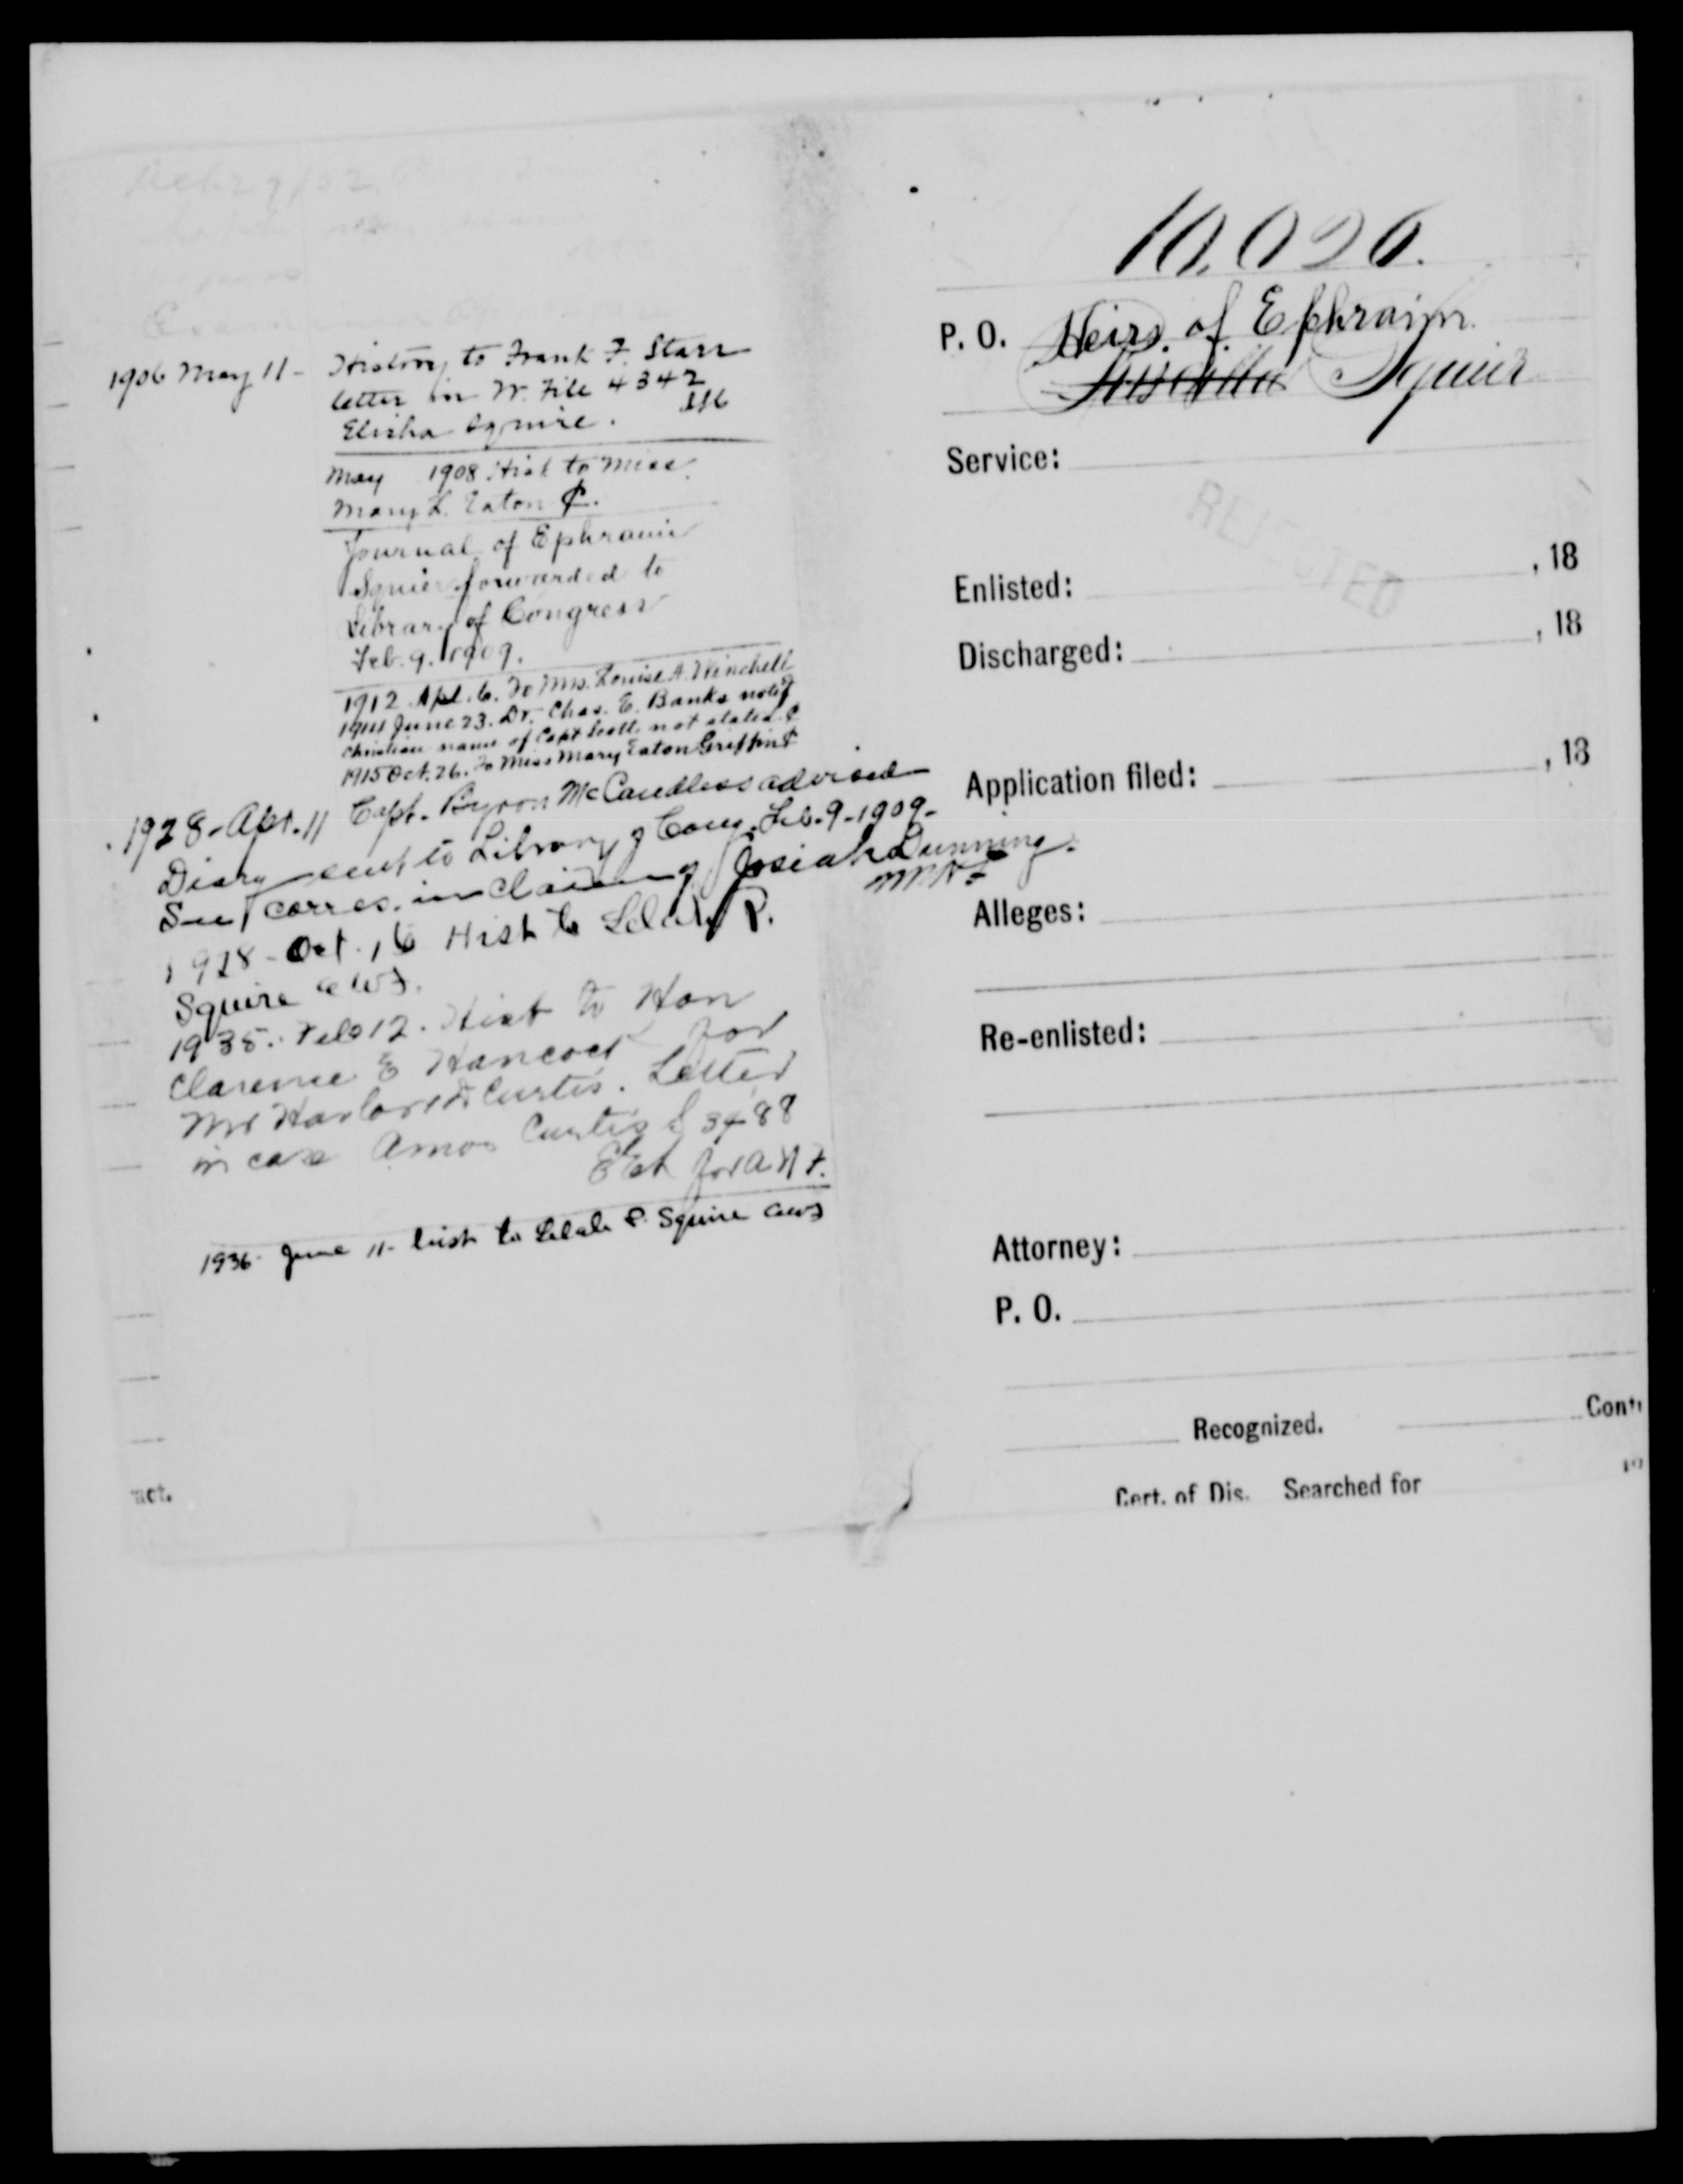*Left Side*
1906 May 11- History to Frank F. Starr letter in W.file 4342 Elisha Squire  [illegible]

May 1908 [illegible] to [illegible] 
Mary L. Eaten C.

Journal of Ephraim
Squier forwarded to Library of Congress
Feb. 9, 1909

1912 Apl. 6 To Mrs. Louse A. Winchell 
1914 June 23. Dr. Chas E banks wanted Christian name of Capt.  Scott not stated
1915 Oct. 26 Miss Mary Eaton Griffin

1928- Apr. 11 Capt. Byron McCaudless advised Diary sent to Library of Congress Feb. 9-1909-
See carres in [illegible] of Josiah Denning MWS

1928- Oct. 16 Hist to Lelah P. Squire AWF
1935 Feb. 12 Hist to Hon. Clarence E Hancock for Mr. Harbor A Curtis. Letter in case Amos Curtis S 34 88
Erah for ANF
1936 June 11- hist to Lelah P Squire AWF


*Right Side*
10026
P.0. Heirs of Ephriam 
Priscilla Squier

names: Lelah P Squire; Byron Mc Candless; Mary Eaton Griffin; Lelah R Squire; Clarence E Hancock; Frank F Starr; Ephraim Squier; Chas E Banks; Josiah Dunning; Louise A Winchell; Ephraim Squier; Amos Curtis; Elisha Squire; Harlow D Curtis; Mary L Eaton; [BLANK] Scott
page: 31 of 70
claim: rejected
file: R. 10,026, for Ephraim Squier, Connecticut